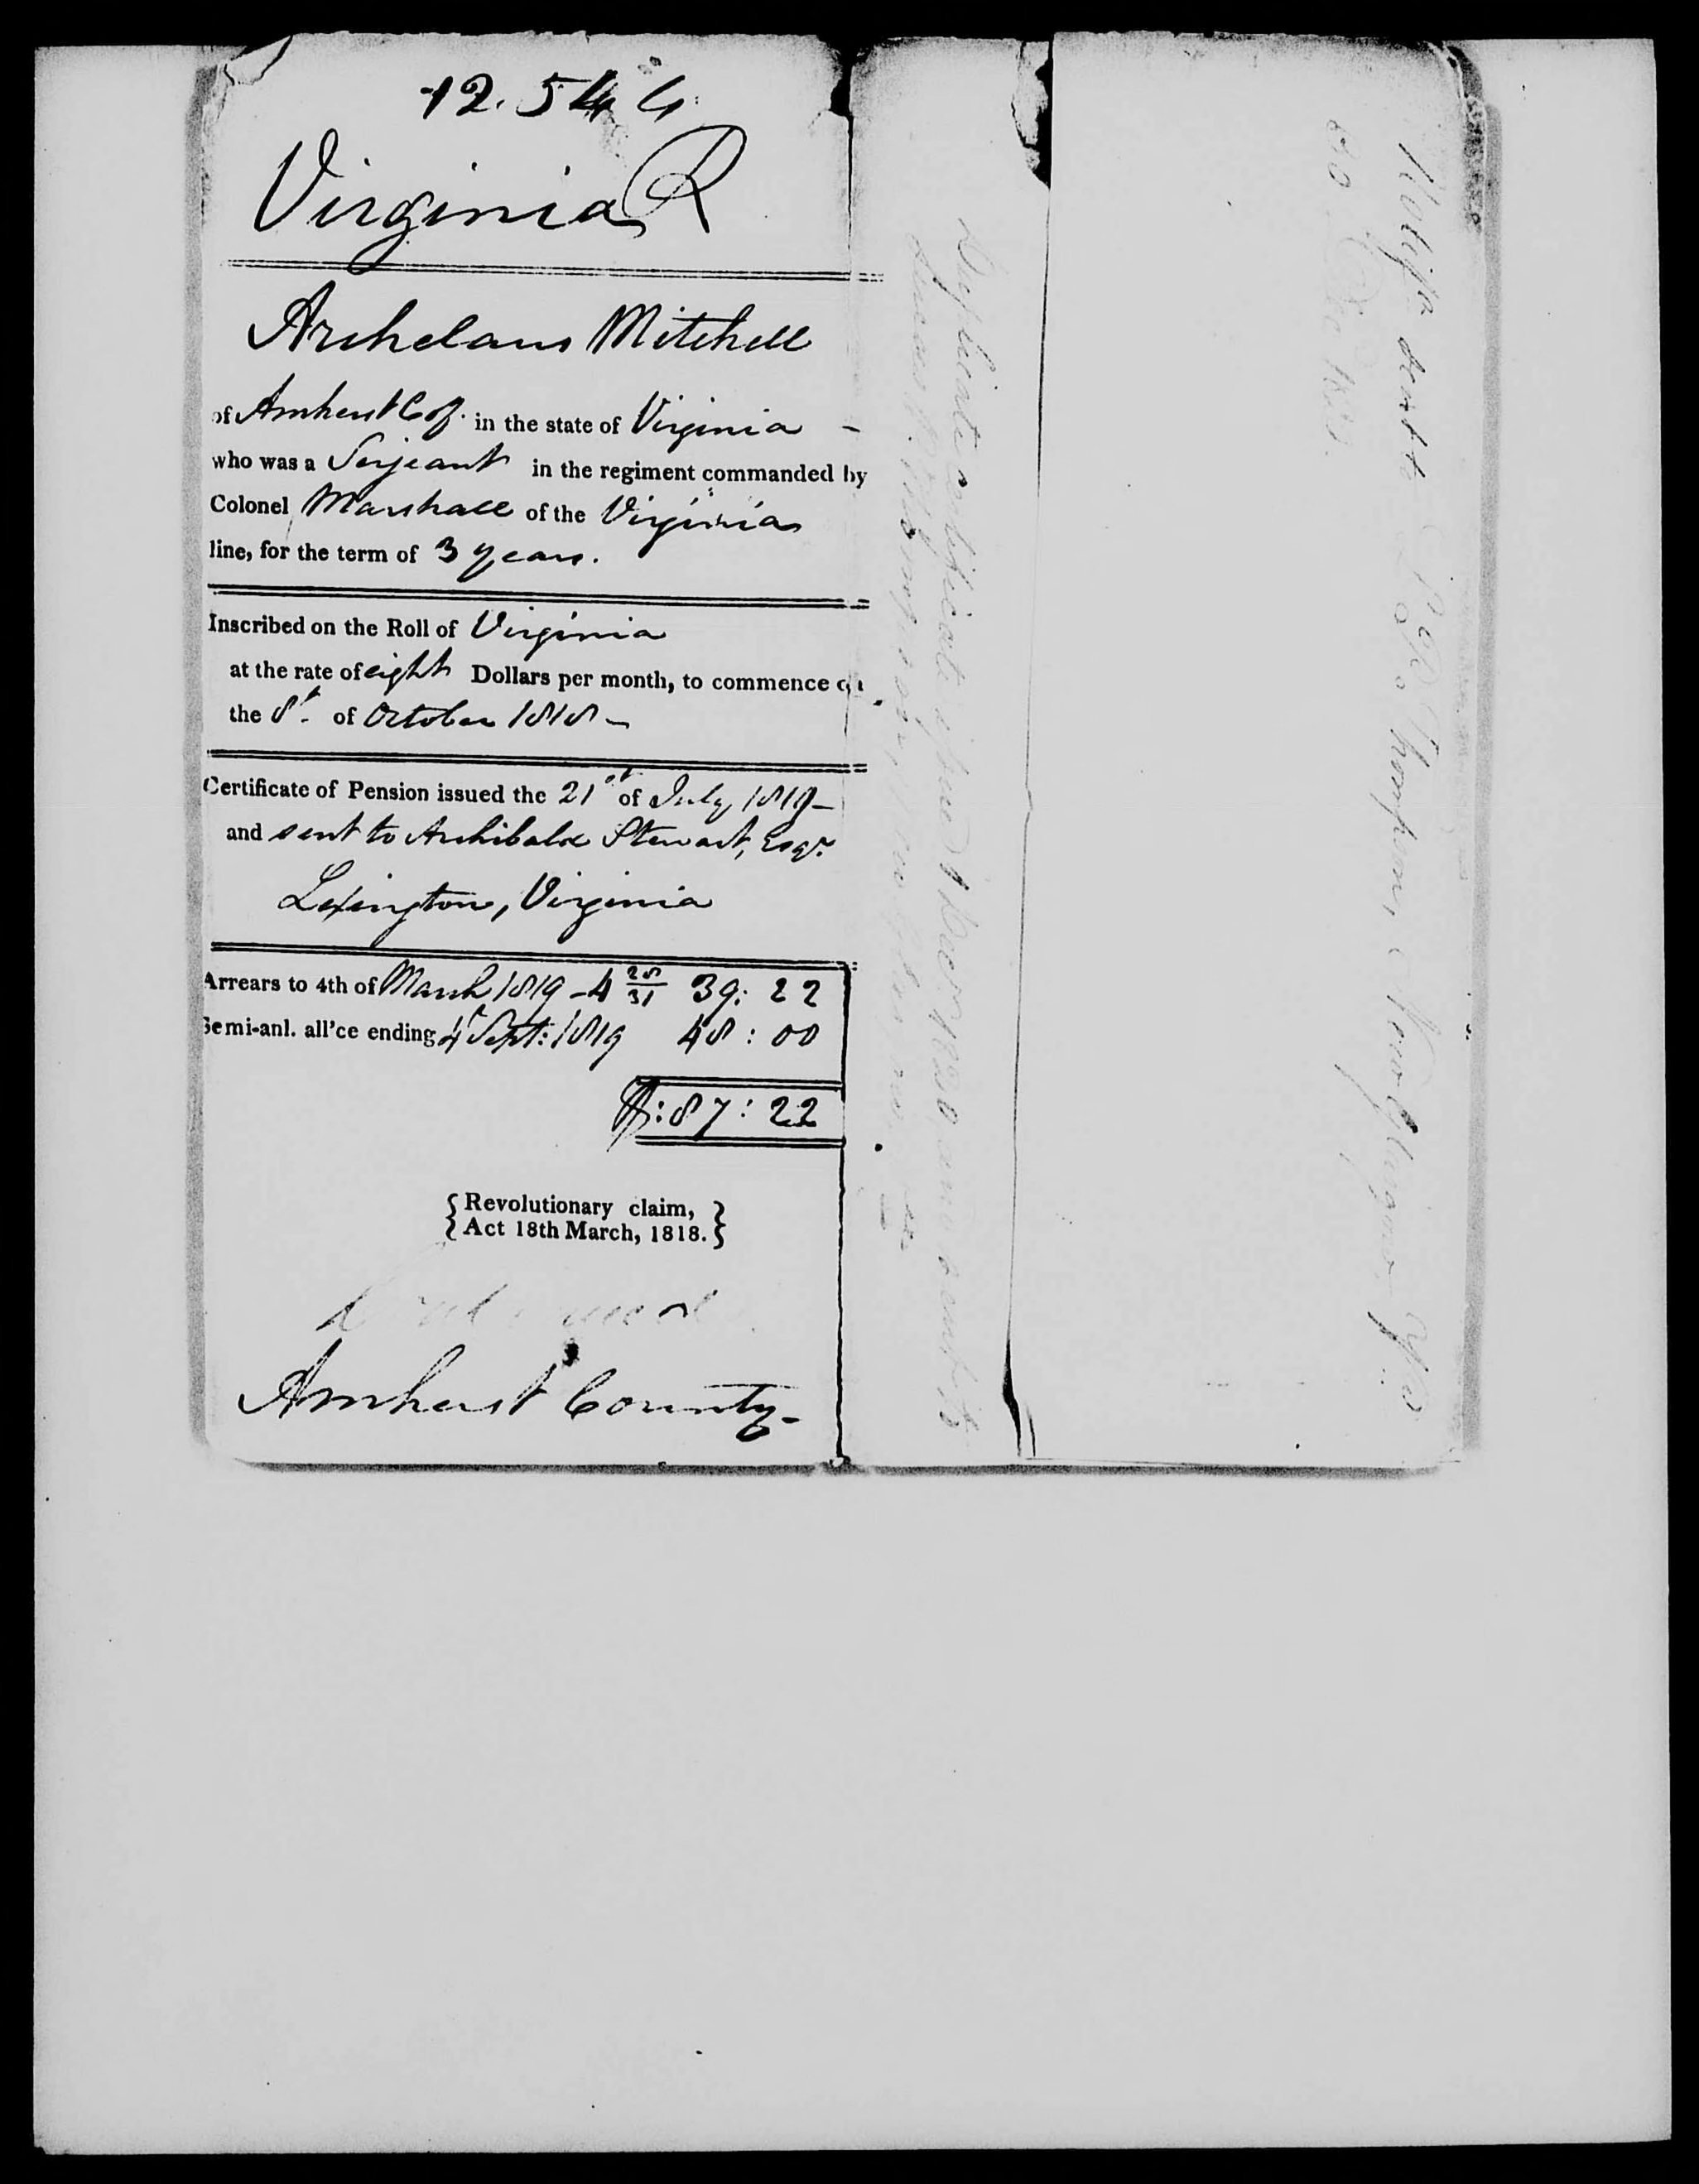12.544
Virginia R
Archelaus Mitchell of Amherst Coy in the state of Virginia who was a Serjeant(sic) in the regiment commanded by Colonel Marshall of the Virginia line, for the term of 3 years.

Inscribed on the Roll of Virginia at the rate of eight Dollars per month, to commence on the 8ᵗ of October 1818~

Certificate of Pension issued the 21ˢᵗ of July 1819 and sent to Archibald Stewart, Esqr. Lexington, Virginia

Arrears to 4ᵗʰ of March 1819 - 4 28/31 39:22
Semi-anl. all'ce ending 4ᵗ Sept: 1819 48:00
$87:22

{Revolutionary claim, Act 18ᵗʰ March, 1818.}

[illegible]
Amherst County_

Notifᵃ sent to L P. Thompson, New Glasgow, Vᵃ
30 Dec 1820.

Duplicate certificate issued 1 Decʳ 1820 and sent to Lucas P. Thompson, New Glasgow, Vᵃ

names: Archelaus Mitchell; Archibald Stewart; S F Thompson; [BLANK] Marshall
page: 2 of 23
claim: survivor's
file: S. 38226, for Archelaus Mitchell, Virginia